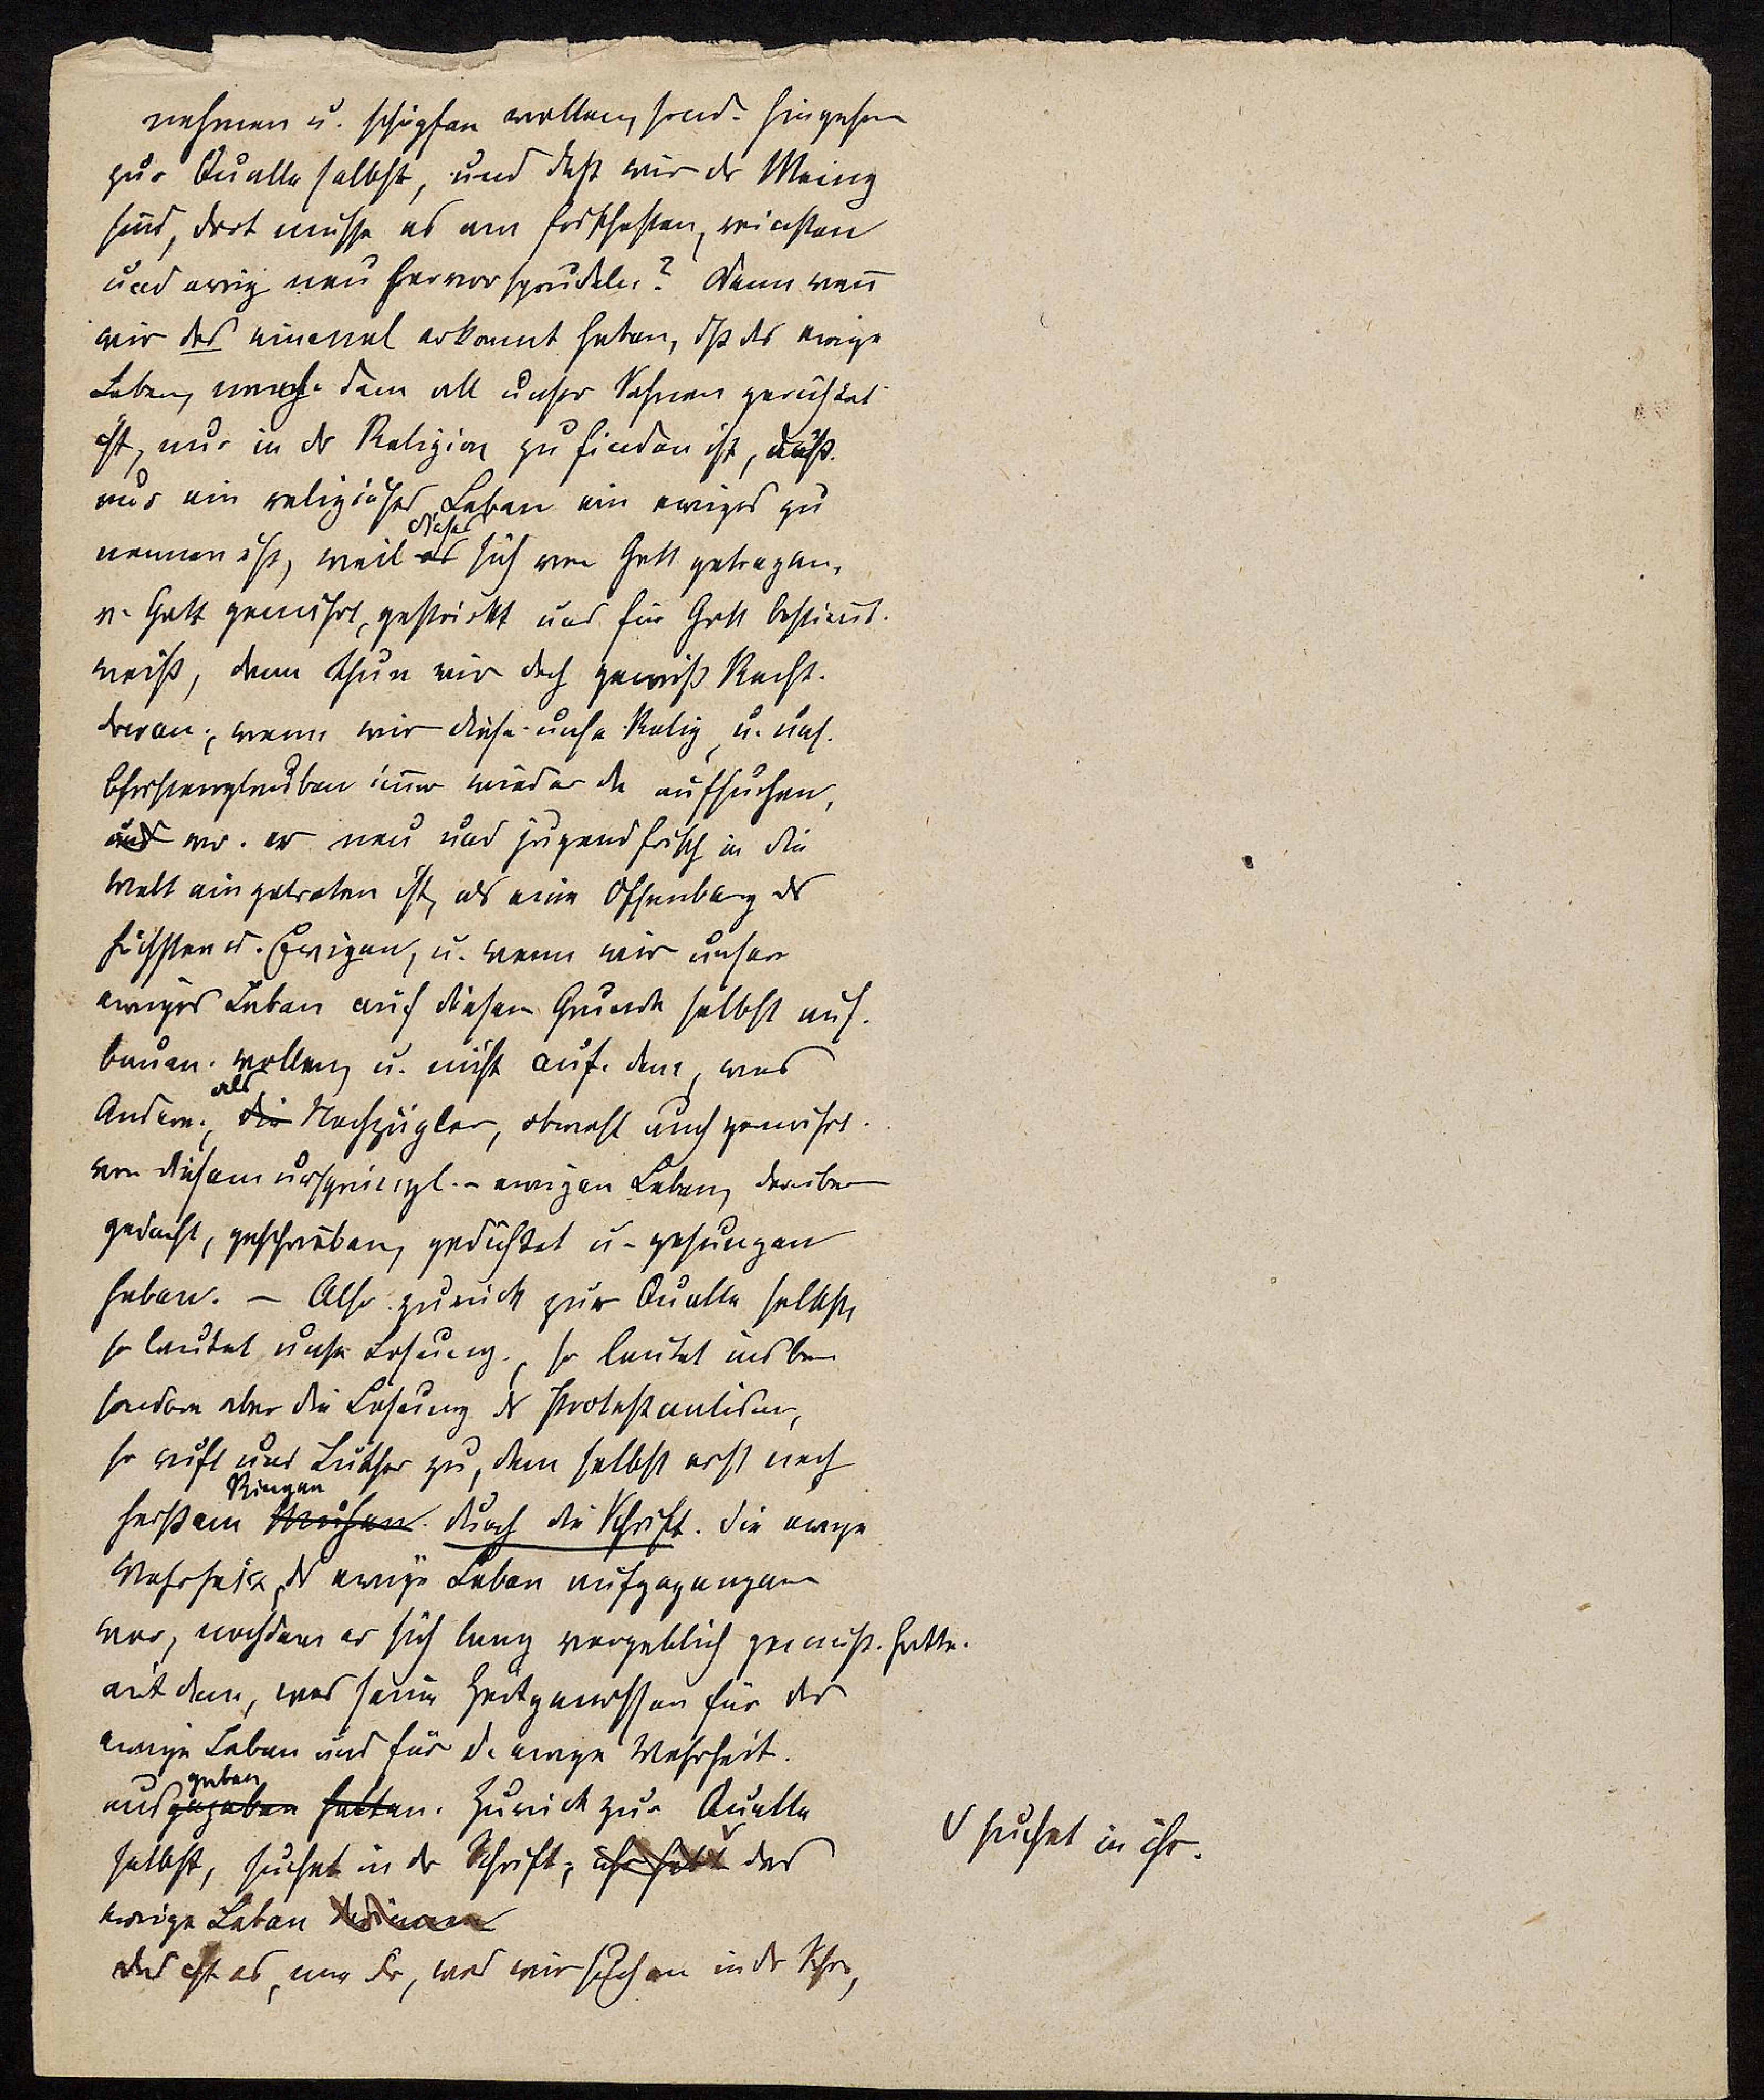nehmen u. schöpfen wollen, sond. hingehen
zur Quelle selbst, und daß wir dr Meing
sind, dort müsse es am frischesten, reinsten
und ewig neu hervorsprudeln? Denn wen
wir das einmal erkannt haben, dß ds ewige
Leben, nach dem all unser Sehnen gerichtet
ist, nur in dr Religion zu finden ist, daß
nur ein religiöses Leben, ein ewiges zu
dieses
nennen ist, weil es sich von Gott getragen,
v. Gott genährt, gestärckt und für Gott bestimt
weiß, dann thun wir doch gewiß Recht
daran; wenn wir dies unsr Relig; u. uns.
Christenglauben imer wieder da aufsuchen,
und wo er neu und jugendfrisch in die
Welt eingetreten ist, als eine Offenbarng ds
höchsten u. Ewigen, u. wenn wir unser
ewiges Leben auf diesem Grunde selbst auf¬
bauen. wollen, u. nicht auf. dem, was
als
Andere., die Nachzügler, obwohl auch genährt.
von diesem ursprüngl.-ewigen Leben, darüber
gedacht, geschrieben, gedichtet u. gesungen
haben. _ Also zurück zur Quelle selbst,
so lautet unsr Losung. so lautet insbe¬
sondere aber die Losung ds Protestantism.,
so ruft uns Luther zu, dem selbst erst nach
Ringen
heißem Mühen durch die Schrift die ewge
Wahrheit, ds ewige Leben aufgegangen
war, nachdem er sich lang vergeblich gemüht hatte.
mit dem, was seine Zeitgenossen für ds
ewige Leben und für ewge Wahrheit
geben
ausgegeben hatten. Zurück zur Quelle
V suchet in ihr.
selbst, suchet in dr. Schrift, ihr hab das
ewige Leben darinnen.
Das ist es, mn Fr, was wir suchen in dr Schr.,